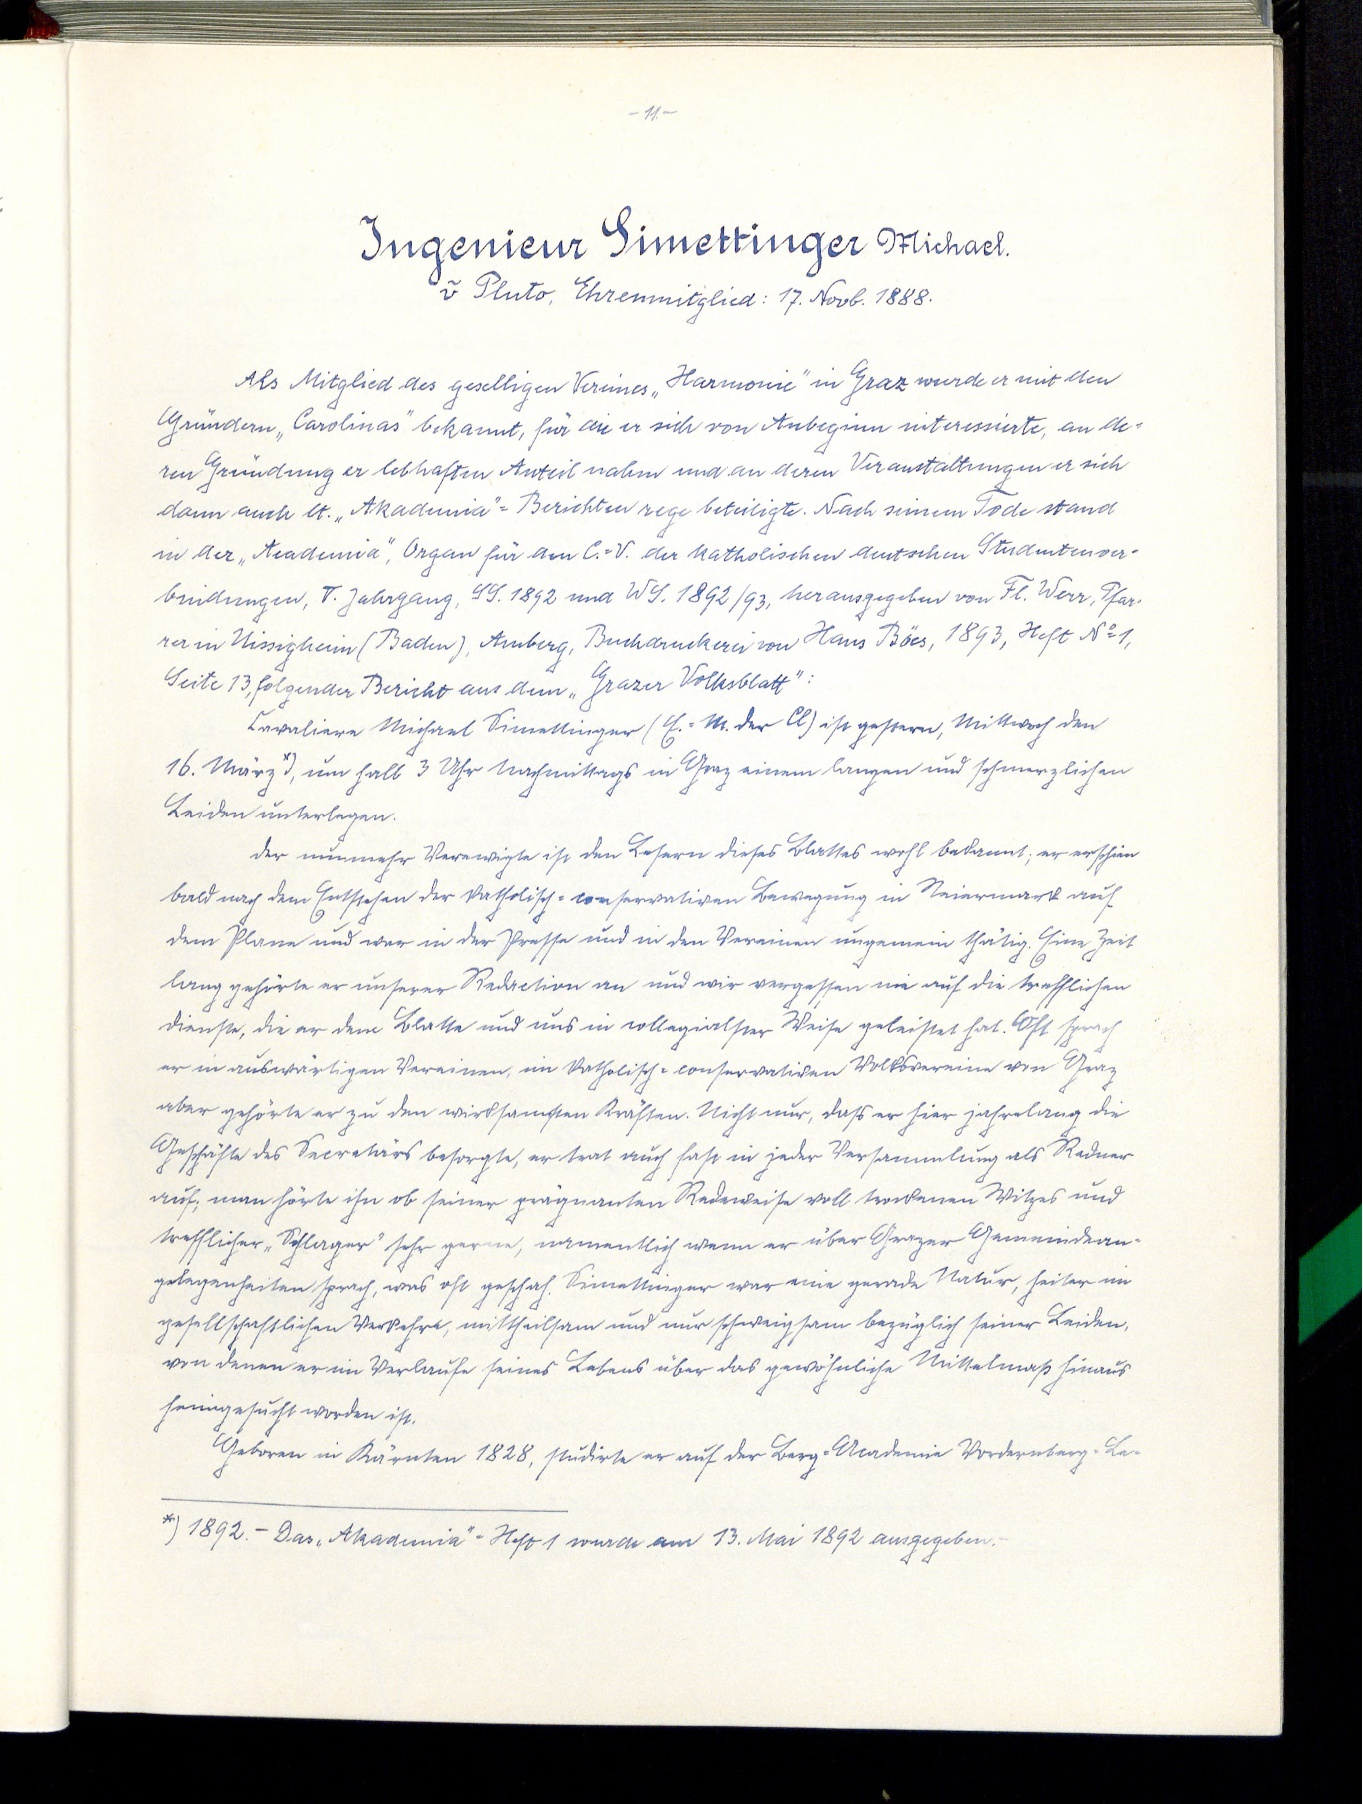-11.-
Ingenieur Simettinger Michael.
v/o Pluto, Ehrenmitglied: 17. Novb. 1888.
Als Mitglied des geselligen Vereines "Harmonie" in Graz wurde er mit den
Gründern "Carolinas" bekannt, für die er sich von Anbeginn interessierte, an de-
ren Gründung er lebhaften Anteil nahm und an deren Veranstaltungen er sich
dann auch lt. "Akademia"-Berichten rege beteiligte. Nach seinem Tode stand
in der "Academia", Organ für am C.-V. der katholischen deutschen Studentenver-
bindungen, V. Jahrgang, SS. 1892 und WS. 1892/93, herausgegeben von Fl. Werr, Pfar-
rer in Uissigheim (Baden), Amberg, Buchdruckerei von Hans Böes, 1893, Heft Nr. 1,
Seite 13, folgender Bericht aus dem "Grazer Volksblatt":
XXX Michael Simettinger (E.-M. der Cl) ist gestern, Mittwoch den
16. Märzx), um halb 3 Uhr Nachmittags in Graz einem langen und schmerzlichen
Leiden unterlegen.
Der nunmehr Verweigte ist den Lesern dieses Blattes wohl bekannt; er erschien
bald nach dem Entstehen der katholisch-conservativen Bewegung in Steiermark auf
dem Plane und war in der Presse und in den Vereinen ungemein thätig. Eine Zeit
lang gehörte er unserer Redaction an und wir vergessen nie auf die trefflichen
Dienste, die er dem Blatte und uns in XXXialster Weise geleistet hat. Oft sprach
er in auswärtigen Vereinen, im katholisch-conservativen Volksvereinen von Graz
oder gehörte er zu den wirksamsten Kräften. Nicht nur, dass er hier jahrelang die
Geschäfte des Secretärs besorgte, er trat auch fast in jeder Versammlung als Redner
auf; man hörte ihn ob seiner prägnanten Redeweise voll XXX Witzes und
trefflicher "Schlager" sehr gerne, vornemlich wann er über Grazer Gemeindean-
gelegenheitn sprach, was oft geschah. Simettinger war eine gerade Natur, heiter in
gesellschaftlichen Verkehr, mittheilsam und nur schweigsam bezüglich seiner Leiden,
von denen er im Verlaufe seines Lebens über das gewähnliche Mittelmaß hinaus
heimgesucht worden ist.
Geboren in Kärnten 1828, studierte er auf der Berg-Academie Vordernberg-Le-
*) 1892. - Das "Akademia"-Heft 1 wurde am 13. Mail 1892 ausgegeben.